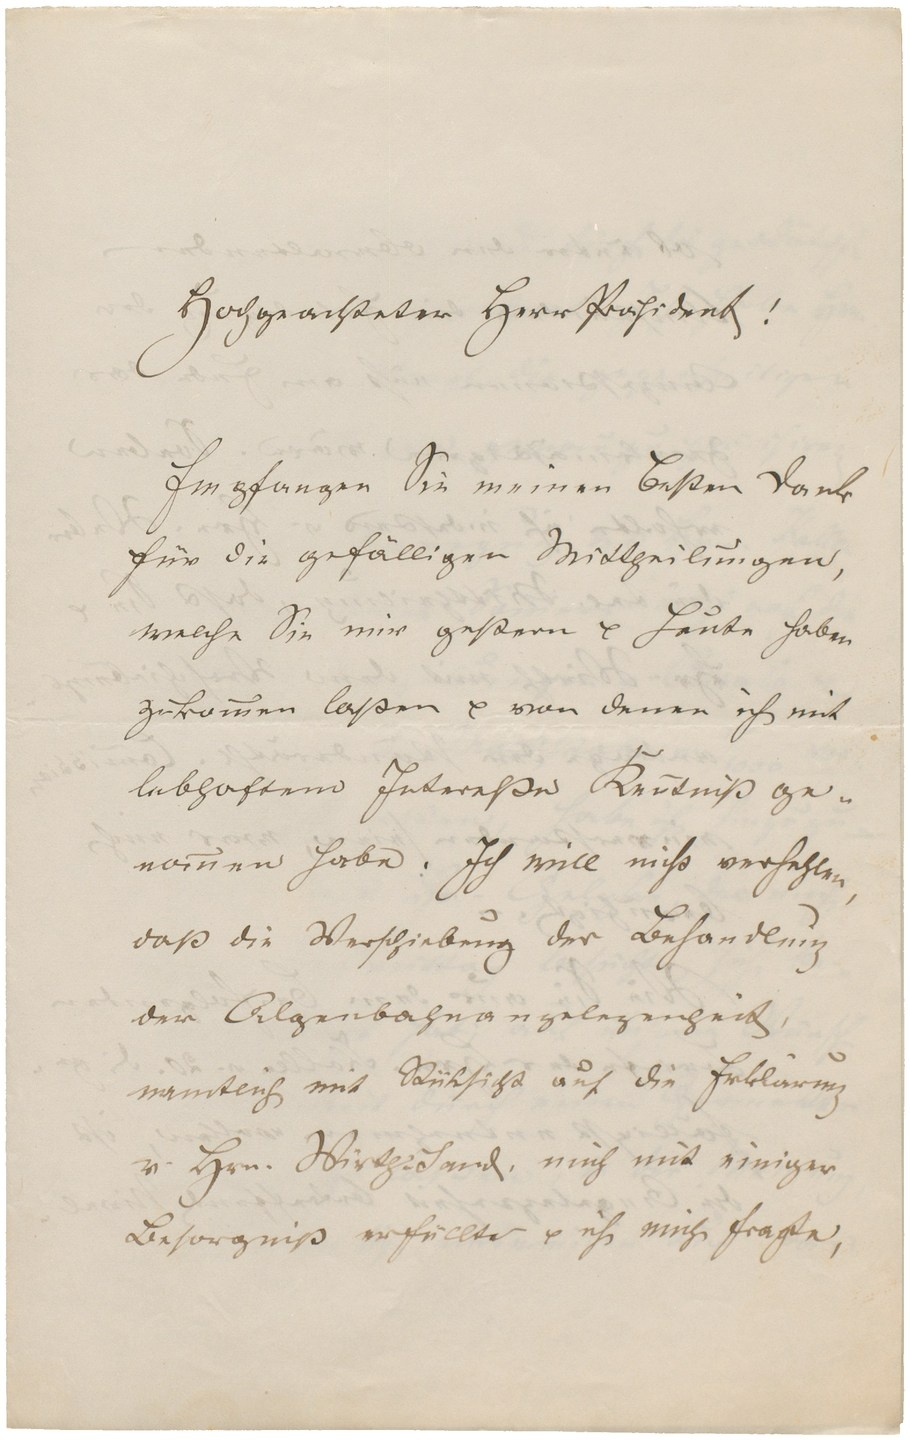Hochgeachteter Herr Präsident!
Empfangen Sie meinen besten Dank
für die gefälligen Mittheilungen,
welche Sie mir gestern & heute haben
zukommen laßen & von denen ich mit
lebhaftem Intereße Kenntniß ge-
nommen habe: Ich will nicht verhehlen,
daß die Verschiebung der Behandlung
der Alpenbahnangelegenheit,
namtlich mit Rüksicht auf die Erklärung
v. Hrn. Wirth-Sand, mich mit einiger
Besorgniß erfüllte & ich mich fragte,